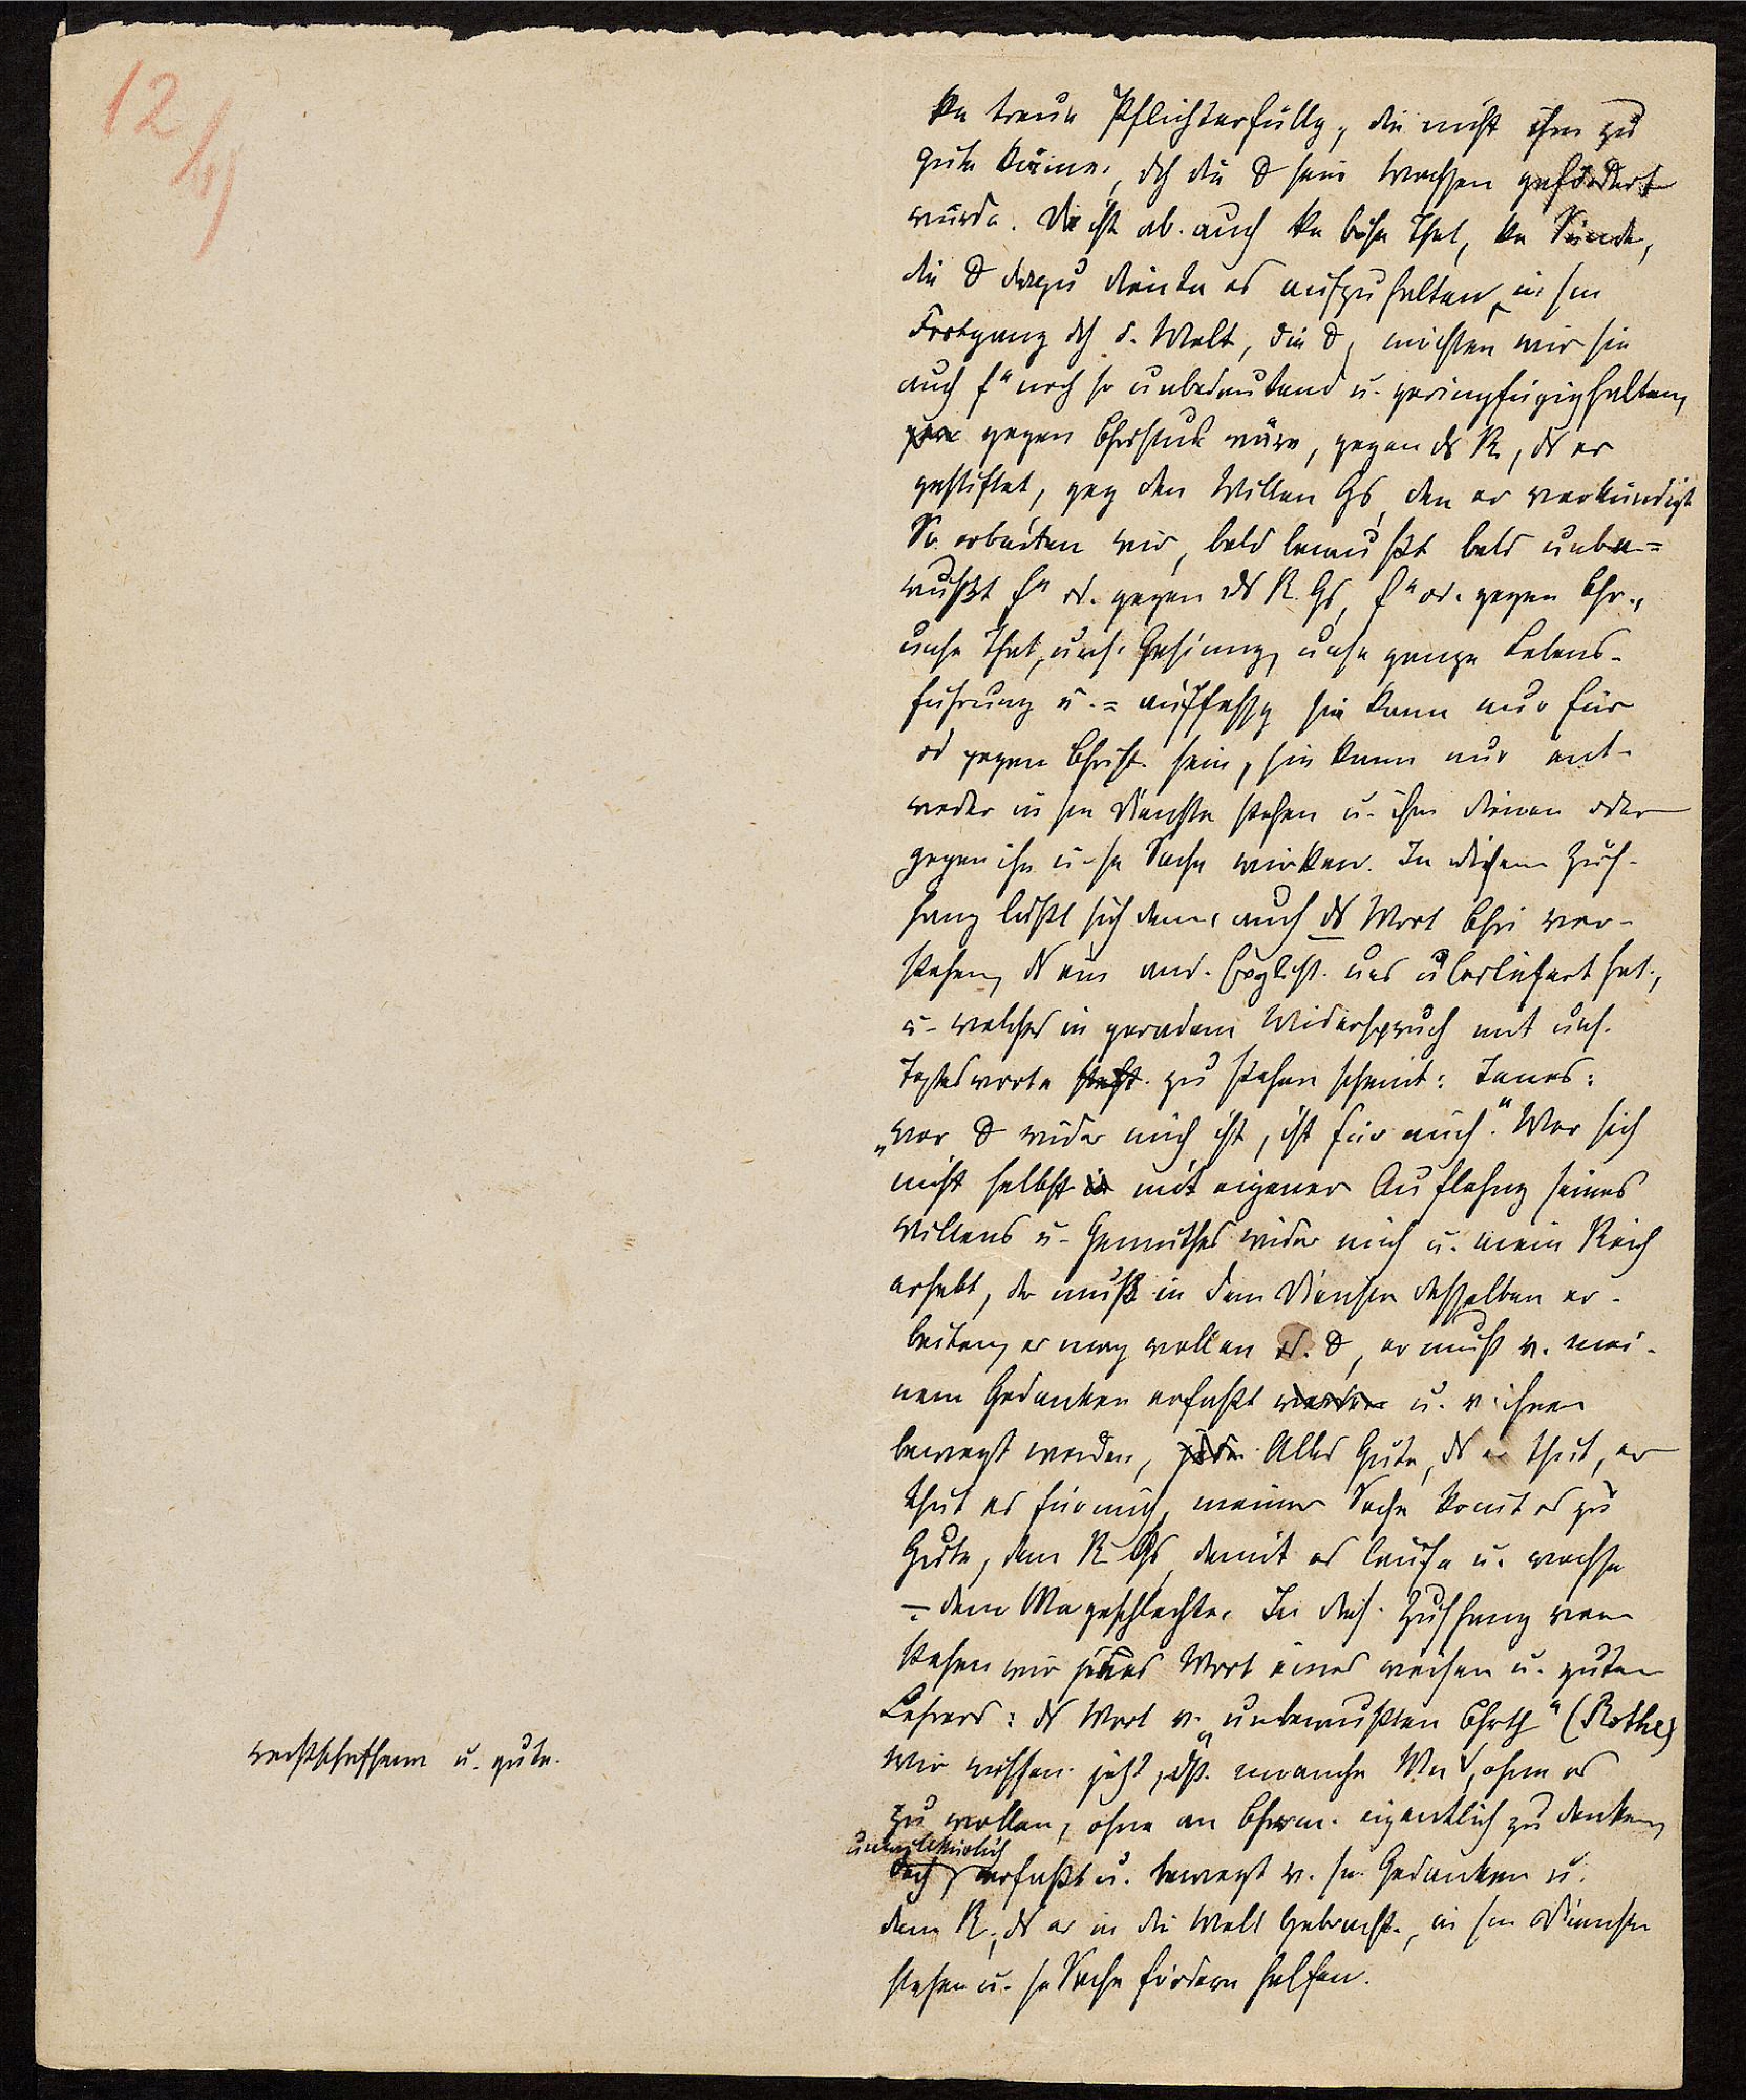rechtschaffene u. gute.
kn treue Pflichterfüllg, nie nicht im z
gute käme, dch die o sein Wachsen gefördert
würde. Da ist auch kn böse That, kn Sünde,
die o dazu diente es aufzuhalten, in sm
Fortgang dch d. Welt, die o, möchten wir sie
auch fü noch so unbedeutend u. geringfügig halten,
gar gegen Christus wäre, gegen ds R., ds er
gestiftet, geg den Willen Gs, den er verkündigt.
So arbeiten wir, bald bewußt bald unbe¬
wußt fü od. gegen ds R. Gs, fü od. gegen Chr.,
unsr That, uns. Gesinng, unsr ganze Lebens¬
führung u. - auffassg sie kann nur für
od gegen Christ. sein, sie kann nur ent¬
weder in sm Dienste stehen u ihm dienen oder
gegen ihn u. sn Sache wirken. In diesem Zus¬
hang läßt sich dann auch ds Wort Chri ver¬
stehen, ds ein and. Evglist uns überliefert hat,
u welches in geradem Widerspruch mit uns.
Textesworte steht zu stehen scheint: Jenes:
"wer o wider mich ist, ist für mich" Wer sich
nichts selbst in mit eigener Auflehnung seines
Willens u. Gemüthes wider mich u. mein Reich
erhebt, der muß in den Dienste desselben ar¬
beiten, er mag wollen od. o, er muß v. mei¬
nem Gedanken erfaßt werden u. v. ihnen
bewegt werden, jede Alles Gute, ds er thut, er
thut es für mich, meiner Sache komt es zu
Gute, dem R. Gs, damit es laufe u. wachse
_ dem Mngeschlechte. In dies. Zushang ver¬
stehen wir jenes Wort eines weisen u. guten
Lehrer: ds Wort v. unbewußtem Chrth" (Rothe)
Wir wissen jetzt, daß manche Mn, ohne es
zu wollen, ohne an Chrm eigentlich zu denken
unwillkürlich
doch erfaßt u bewegt v. sn Gedanken u
dem R. ds er in die Welt gebracht, in sm Dienste
stehen un sn Sache fördern helfen.